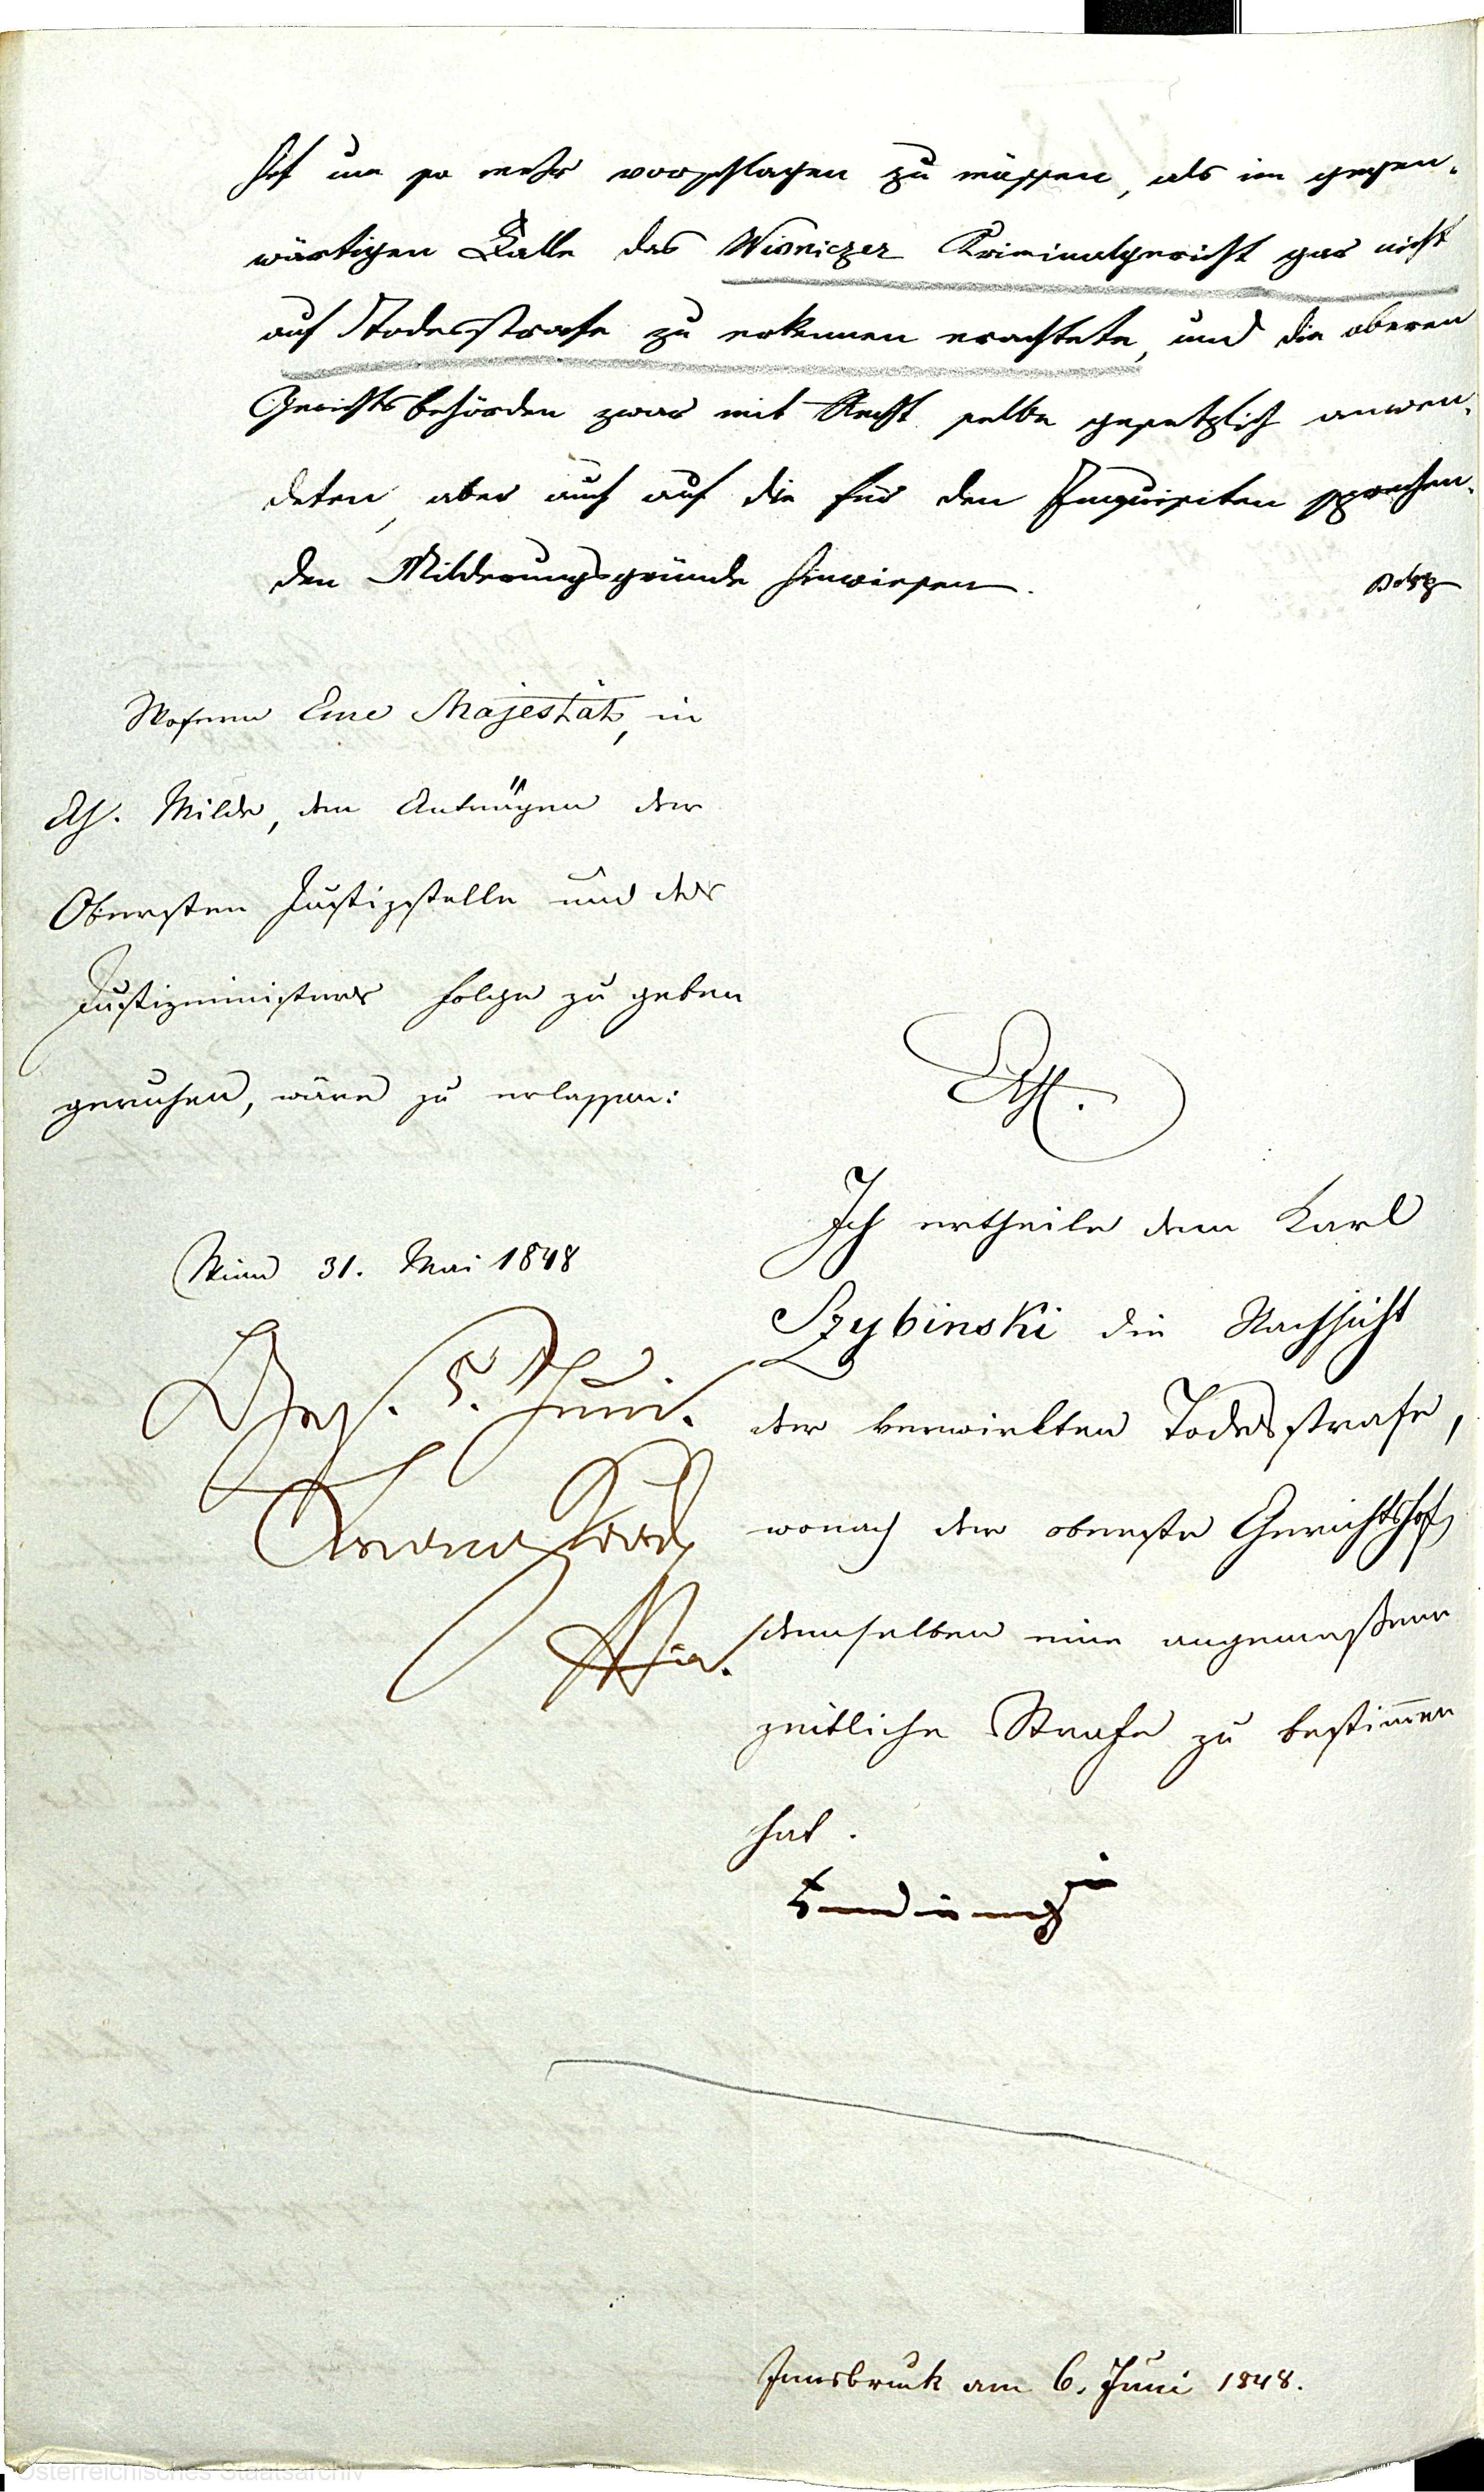hof um so mehr vorschlagen zu müssen, als im gegen¬
wärtigen Falle des Wisniczer Kriminalgericht gar nicht
auf Todesstrafe zu erkennen erachtete, und die oberen
Gerichtsbehörden zwar mit Recht selbe gesetzlich anwen¬
deten, aber auch auf die für den Inquisiten sprechen¬
den Milderungsgründe hinwiesen.
Johann Bolza
Wofern Eure Majestät, in
Ah. Milde, den Anträgen der
Obersten Justizstelle und der
Justizministers Folge zu geben
geruhen, wäre zu erlassen:
Wien, 31 Mai 1848
Ges. 5. Juni,
Franz Karl,
Wien
AhE
Ich ertheile dem Karl
Szybinski die Nachsicht
der verwirkten Todesstrafe,
wonach der oberste Gerichtshof
demselben eine angemeßene
zeitliche Strafe zu bestimmen
hat.
Ferdinand
Innsbruck am 6. Juni 1848